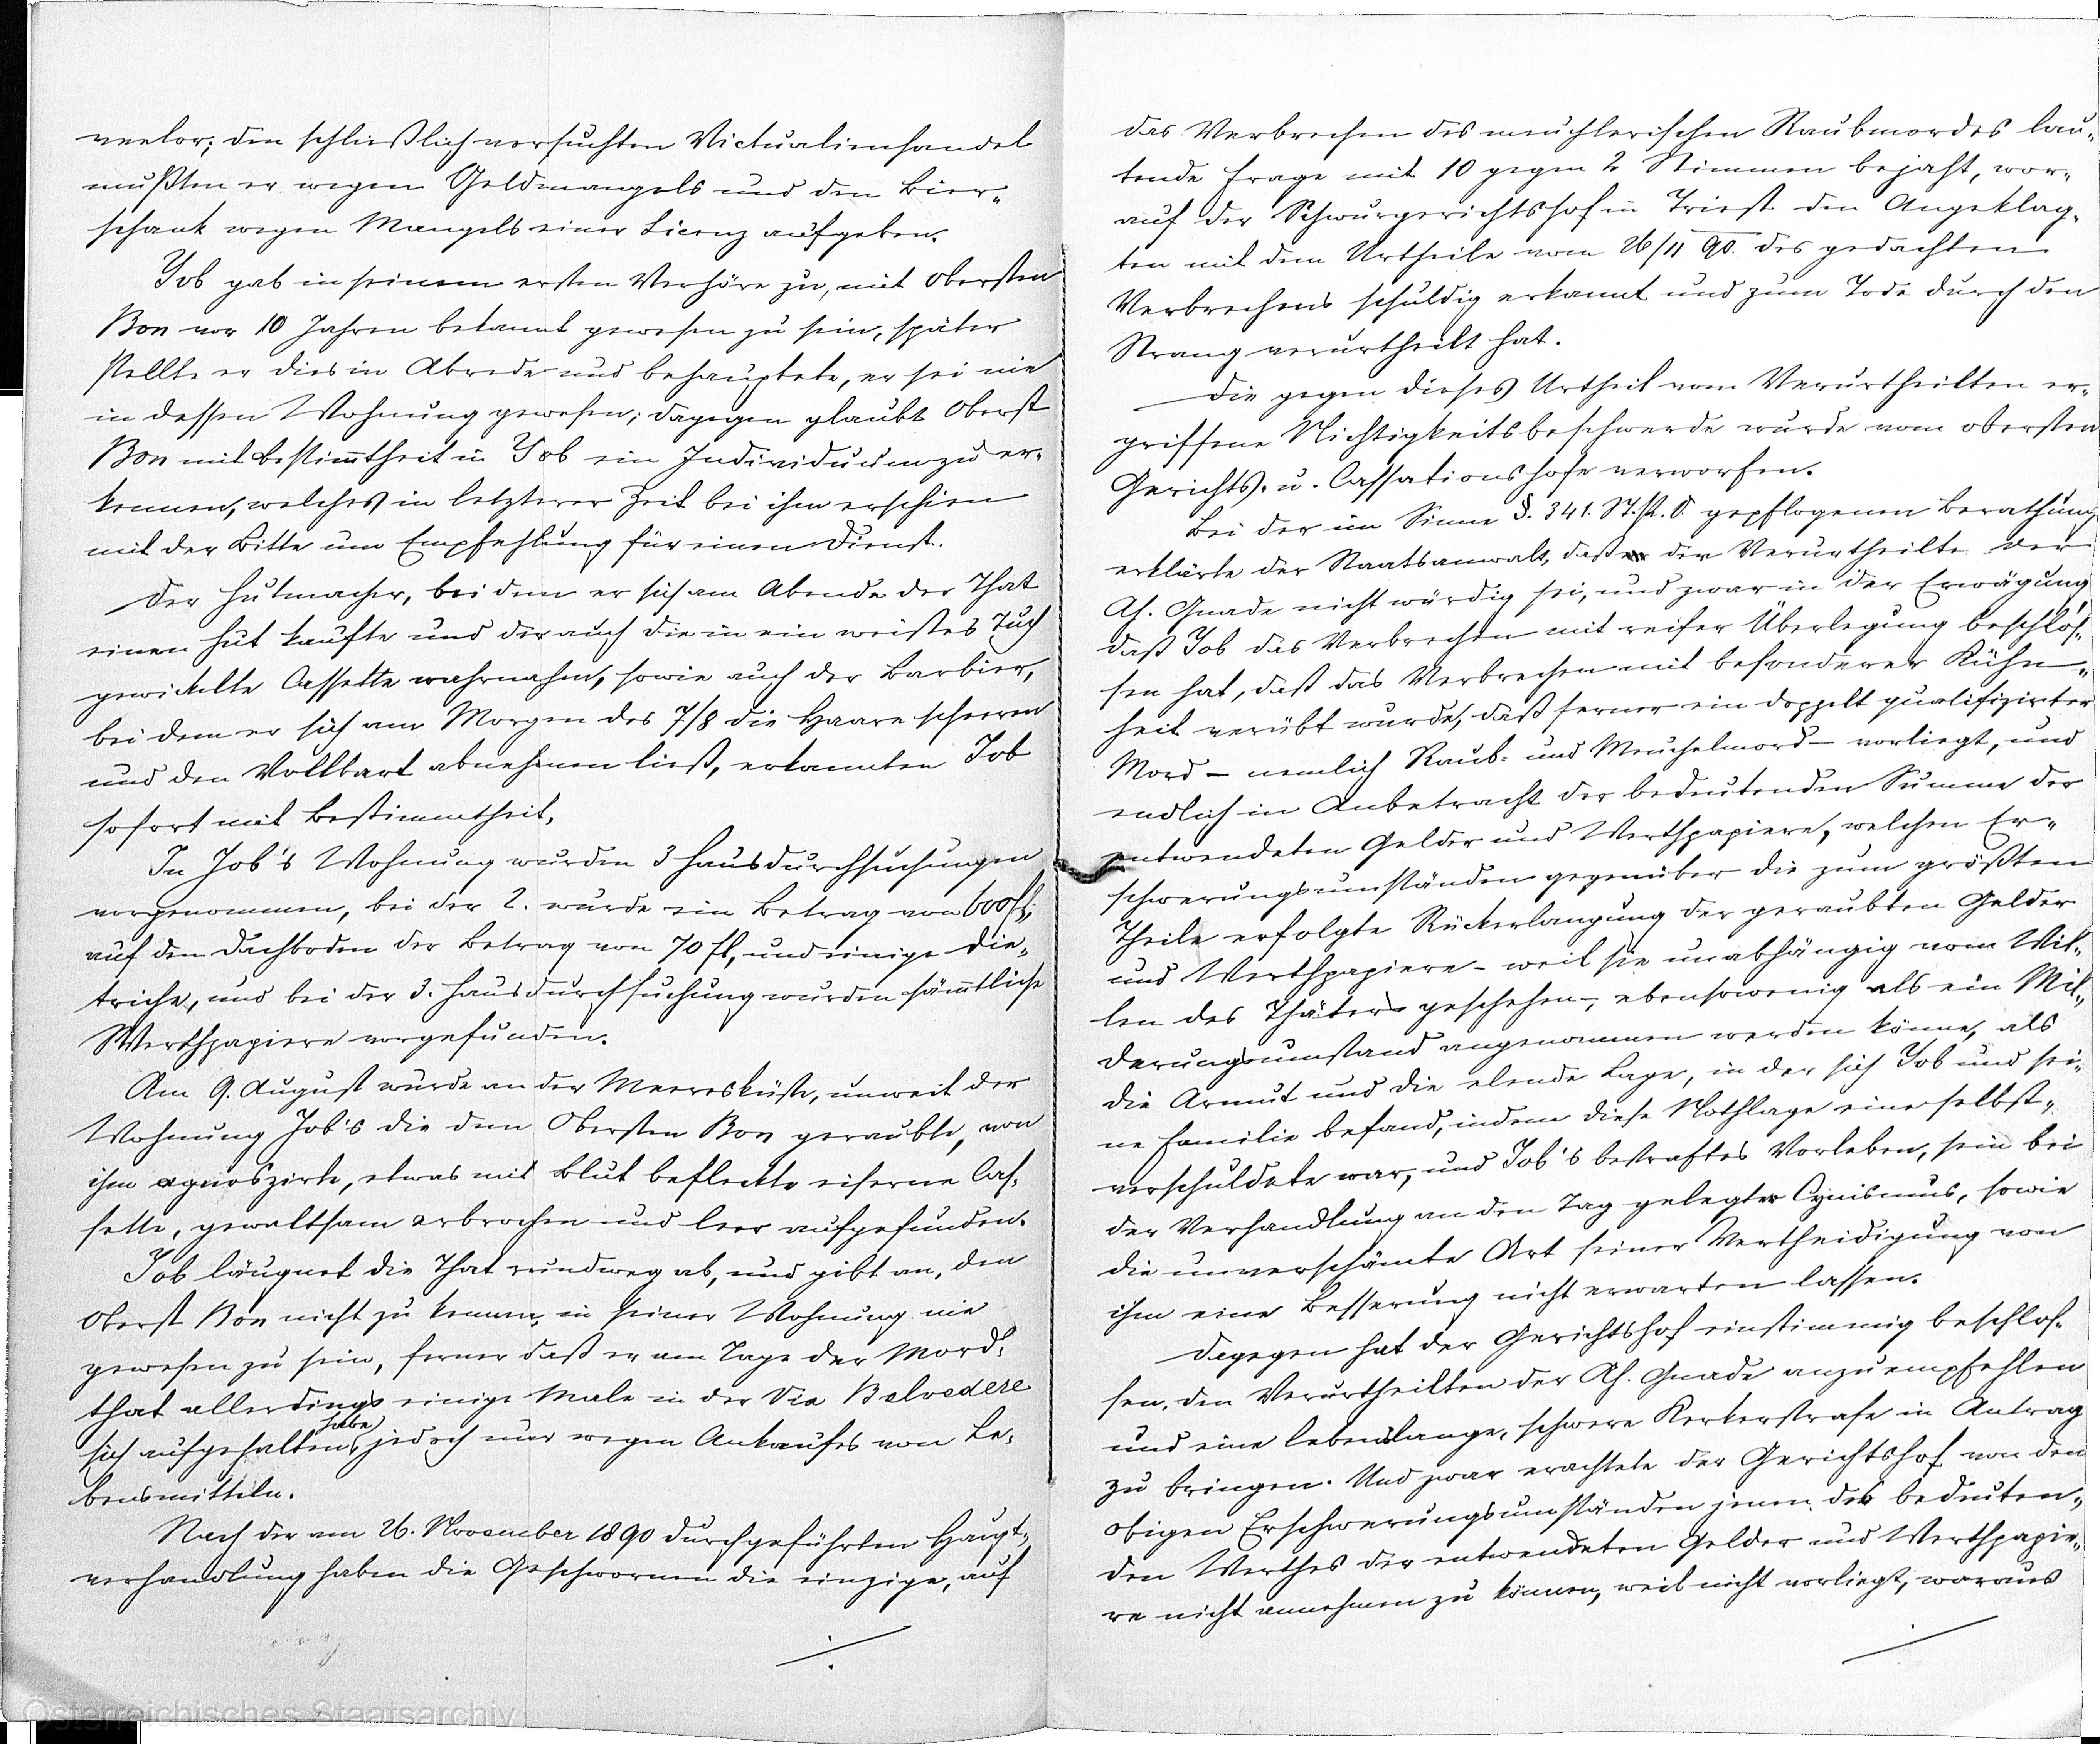verlor; die schließlich versuchten Victualienhandel
mußten er wegen Geldmangels und den Bier¬
schank wegen Mangels einer Licenz aufgeben.
Job gab in seine ersten Verhöre zu, mit Obersten
Bon vor 10 Jahren bekannt gewesen zu sein, später
stellte er dies in Abrede und behauptete, er sei nie
in dessen Wohnung gewesen; dagegen glaubt Oberst
Bon mit bestimmtheit in Yob ein Individuum zu er¬
kennen, welches in letzterer Zeit bei ihm erschien
mit der Bitte um Empfehlung für einen Dienst.
Der Hutmacher, bei dem er sich am Abende der That
einen Hut kaufte und der auch die in ein weißes Tuch
gewickelte Cassette wahrnahm, sowie auch der Barbier,
bei dem er sich am Morgen des 7/8 die Haare scheeren
und den Vollbart abnehmen ließ, erkannten Job
sofort mit Bestimmtheit.
In Job’s Wohnung wurden 3 Hausdurchsuchungen
vorgenommen, bei der 2. Wurde ein Betrag von 600fl
auf den Dachboden der Betrag von 70 fl, und einige die¬
triche, und bei der 3. Hausdurchsuchung wurden sämtliche
Werthpapiere vorgefunden.
Am 9 August wurde an der Meeresküste, unweit der
Wohnung Job’s die den Obersten Bon geraubt, von
ihm agnoszirte, etwas mit Blut beflockte eiserne Cas¬
sette, gewaltsam erbrochen und leer aufgefunden.
Job läugnet die That rundweg ab, und gibt an, den
Oberst Bon nicht zu kennen, in seiner Wohnung ein
gewesen zu sein, ferner daß er am Tage der Mord¬
that allerdings einige Male in der Via Belvedere
habe
sich aufgehalten jedoch nur wegen Ankaufes von Le¬
bensmitteln.
Nach der am 26. November 1890 durchgeführten Haupt¬
verhandlung haben die Geschworenen die einzige, auf
das Verbrechen des meuchlerischen Raubmordes lau¬
fende Frage mit 10 gegen 2 Stimmen bejaht, vor¬
auf der Schurgerichtshof in Triest den Angeklag¬
ten mit dem Urtheile von 26/11 1890 des gedachten
Verbrechens schuldig erkannt und zum Tode durch den
Strang verurtheilt hat.
Die gegen dieses Urtheil vom Verurtheilten er¬
griffene Nichtigkeitsbeschwerde wurde vom obersten
Gerichts- u. Cassationshofe verworfen.
Bei der im Sinne §341. St P O gepflogenen Berathung
erklärte der Staatsanwalt, daß der Verurtheilte der
Ah. Gnade nicht würdig sei, und zwar in der Erwägung
daß Job des Verbrechen mit reifer Überlegung beschlos¬
sen hat, daß das Verbrechen mit besonderer Kühn¬
heit verübt wurde, daß ferner ein doppelt qualifizirter
Mord- nemlich Raub- und Meuchelmord – vorliegt, und
endlich in Anbetracht der bedeutenden Summe des
entwendeten Geldes und Werthpapiere, welchen Er¬
schwerungsumständen gegenüber die zum größten
Theile erfolgte Rückerlangung der geraubten Gelder
und Werthpapiere – weil sie unabhängig vom Wil¬
len des Thäters geschehen--, ebensowenig als ein Mil¬
derungsumstand angenommen werden könne, als
die Armut und die elende Lage, in der sich Job und sei¬
ne Familie befand, indem diese Nothlage eine selbst¬
verschuldete war, und Job’s bestraftes Vorleben, sein bei
der Verhandlung an den Tag gelegter Cynismus, sowie
die unverschämter Art seiner Vertheidigung von
ihm einer Besserung nicht erwarten lassen.
Dagegen hat der Gerichtshof einstimmig beschlos¬
sen, den Verurtheilten der Ah. Gnade anzuempfehlen
und eine lebenslange, schwere Kerkerstrafe in Antrag
zu bringen. Und zwar erachtete der Gerichtshof vom den
obigen Erschwerungsuständen jenen des bedeuten¬
den Werthes der entwendeten Gelder und Werthpapie¬
re nicht annehmen zu können, weil nicht vorliegt, woraus